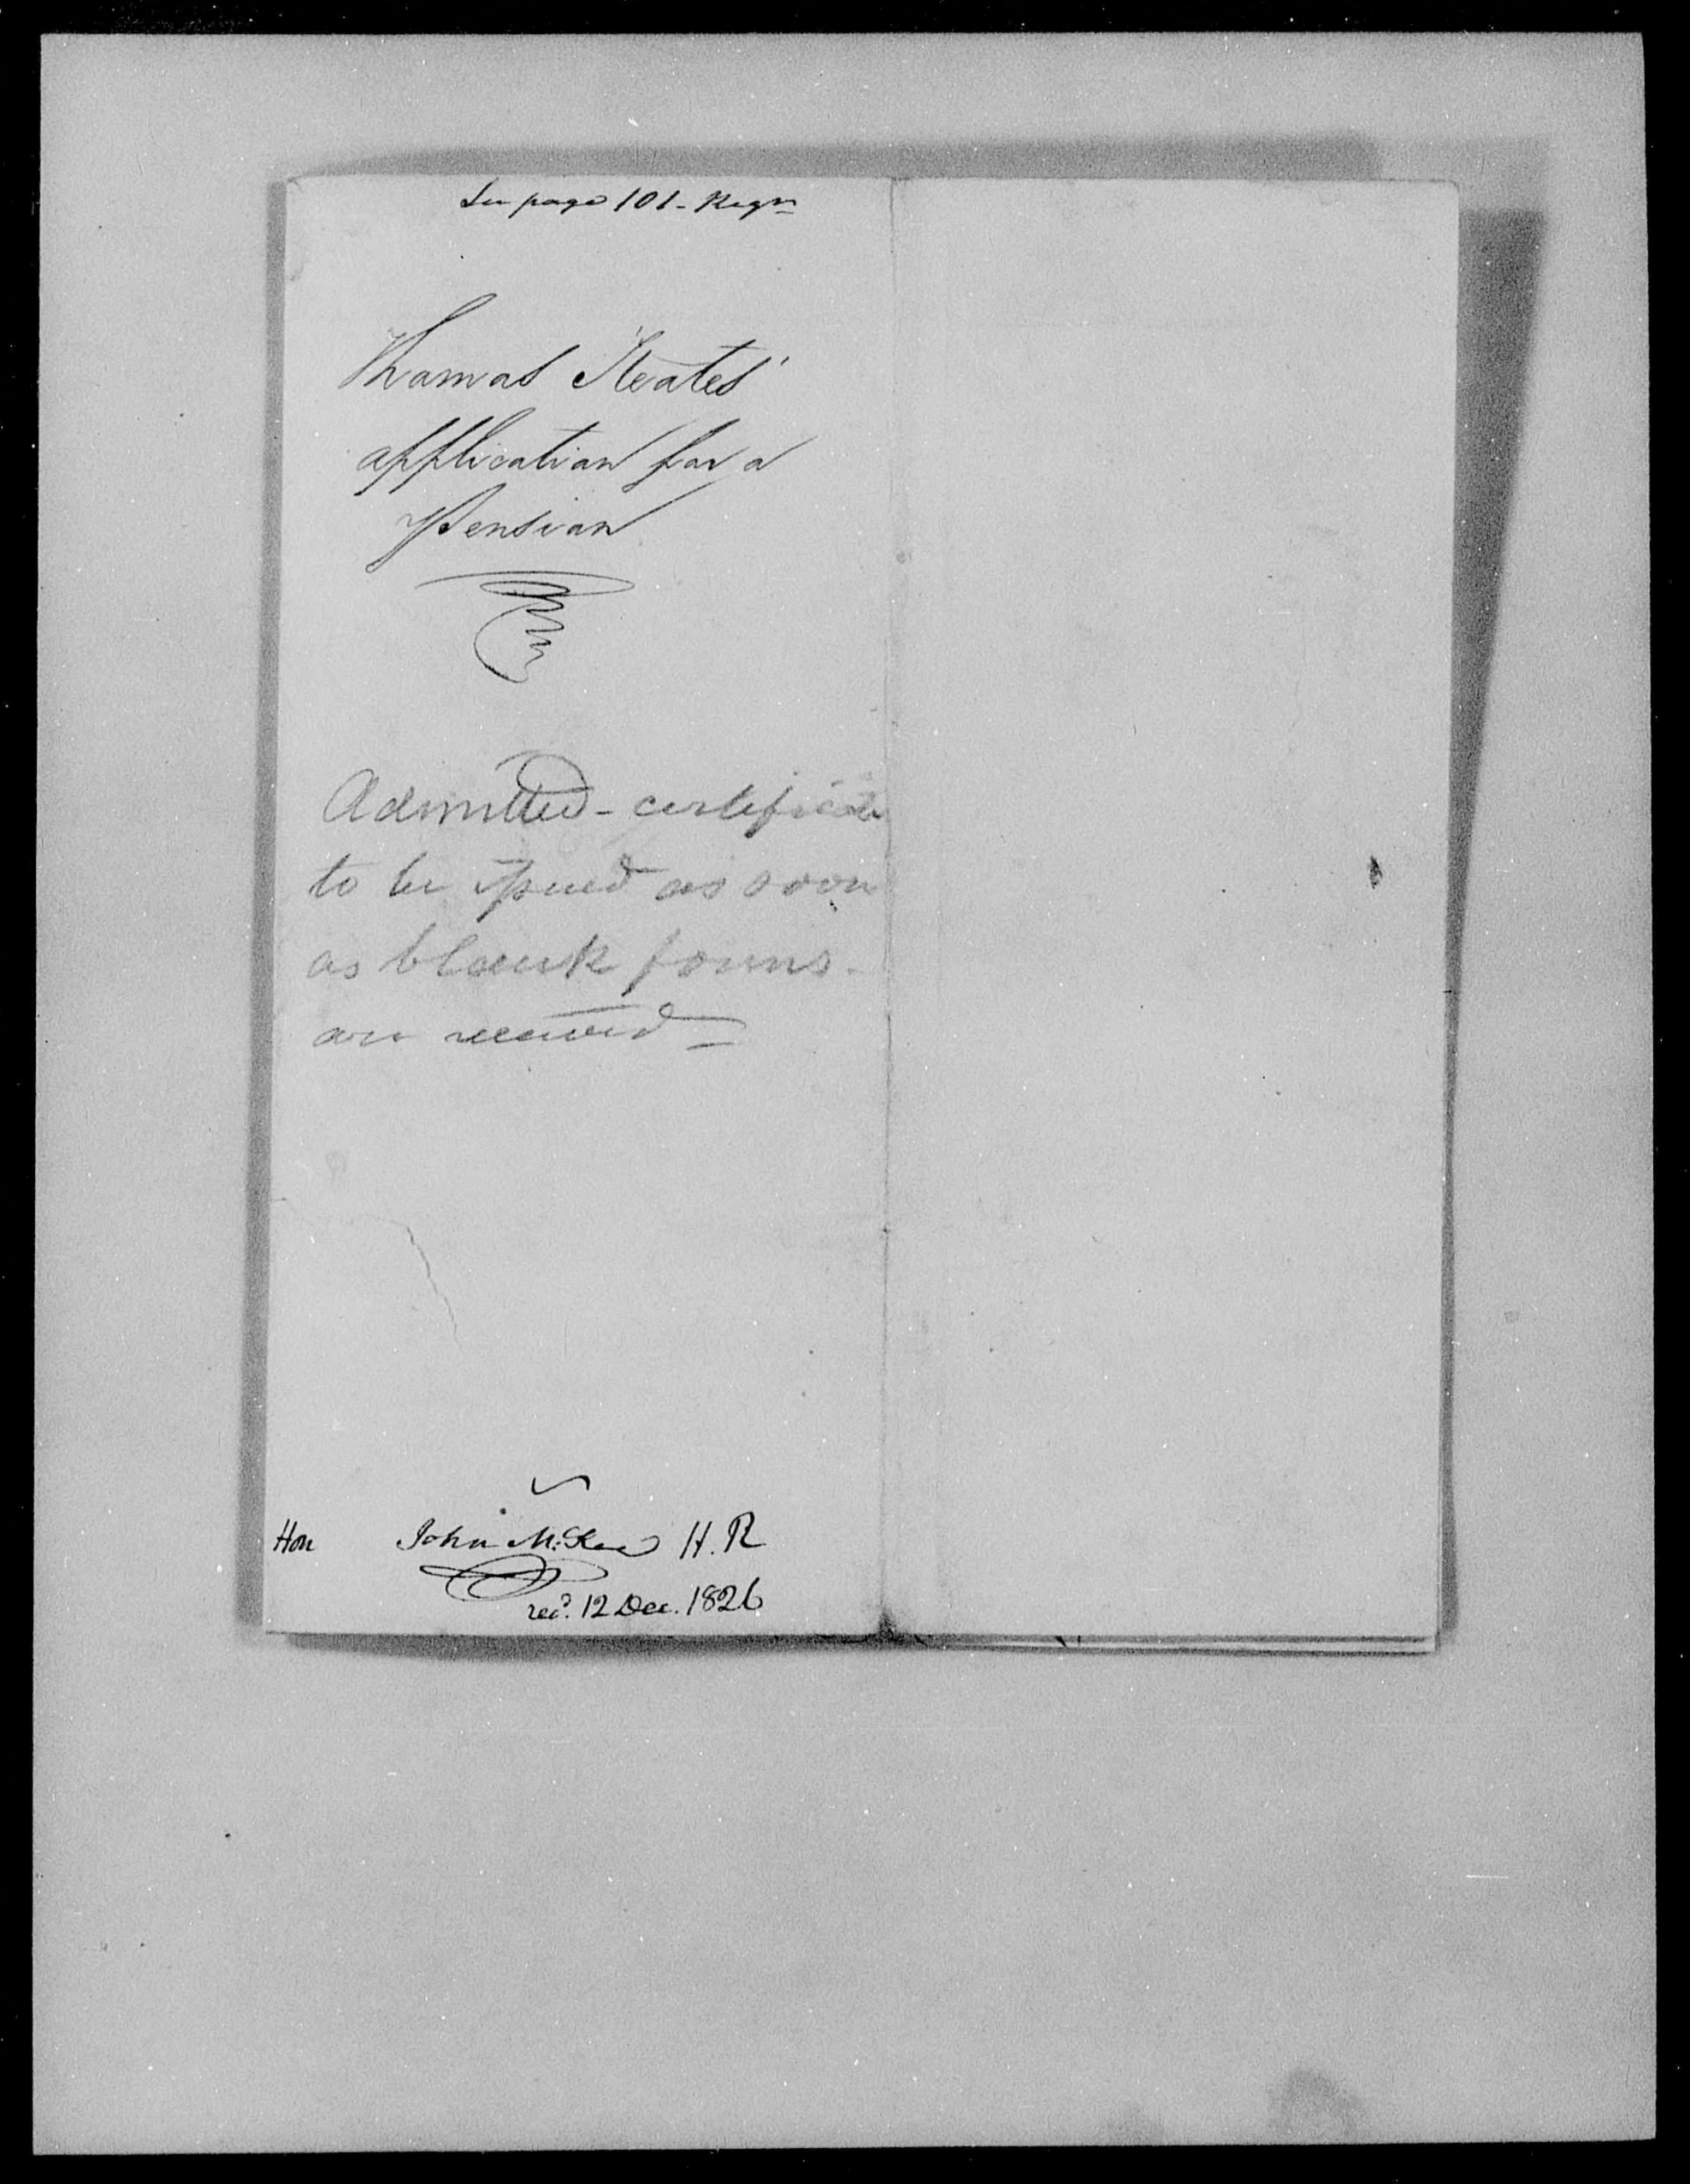See page 101. Regn

Thomas Keates
application for a 
pension


Admitted--certificate
to be issued as soon
as blank forms
are received.


Hon John McKee H.R.
rec'd 12 Dec 1826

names: Thomas Keates; John Mc Kee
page: 5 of 25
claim: survivor's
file: S. 38109, for Thomas Keates, Maryland